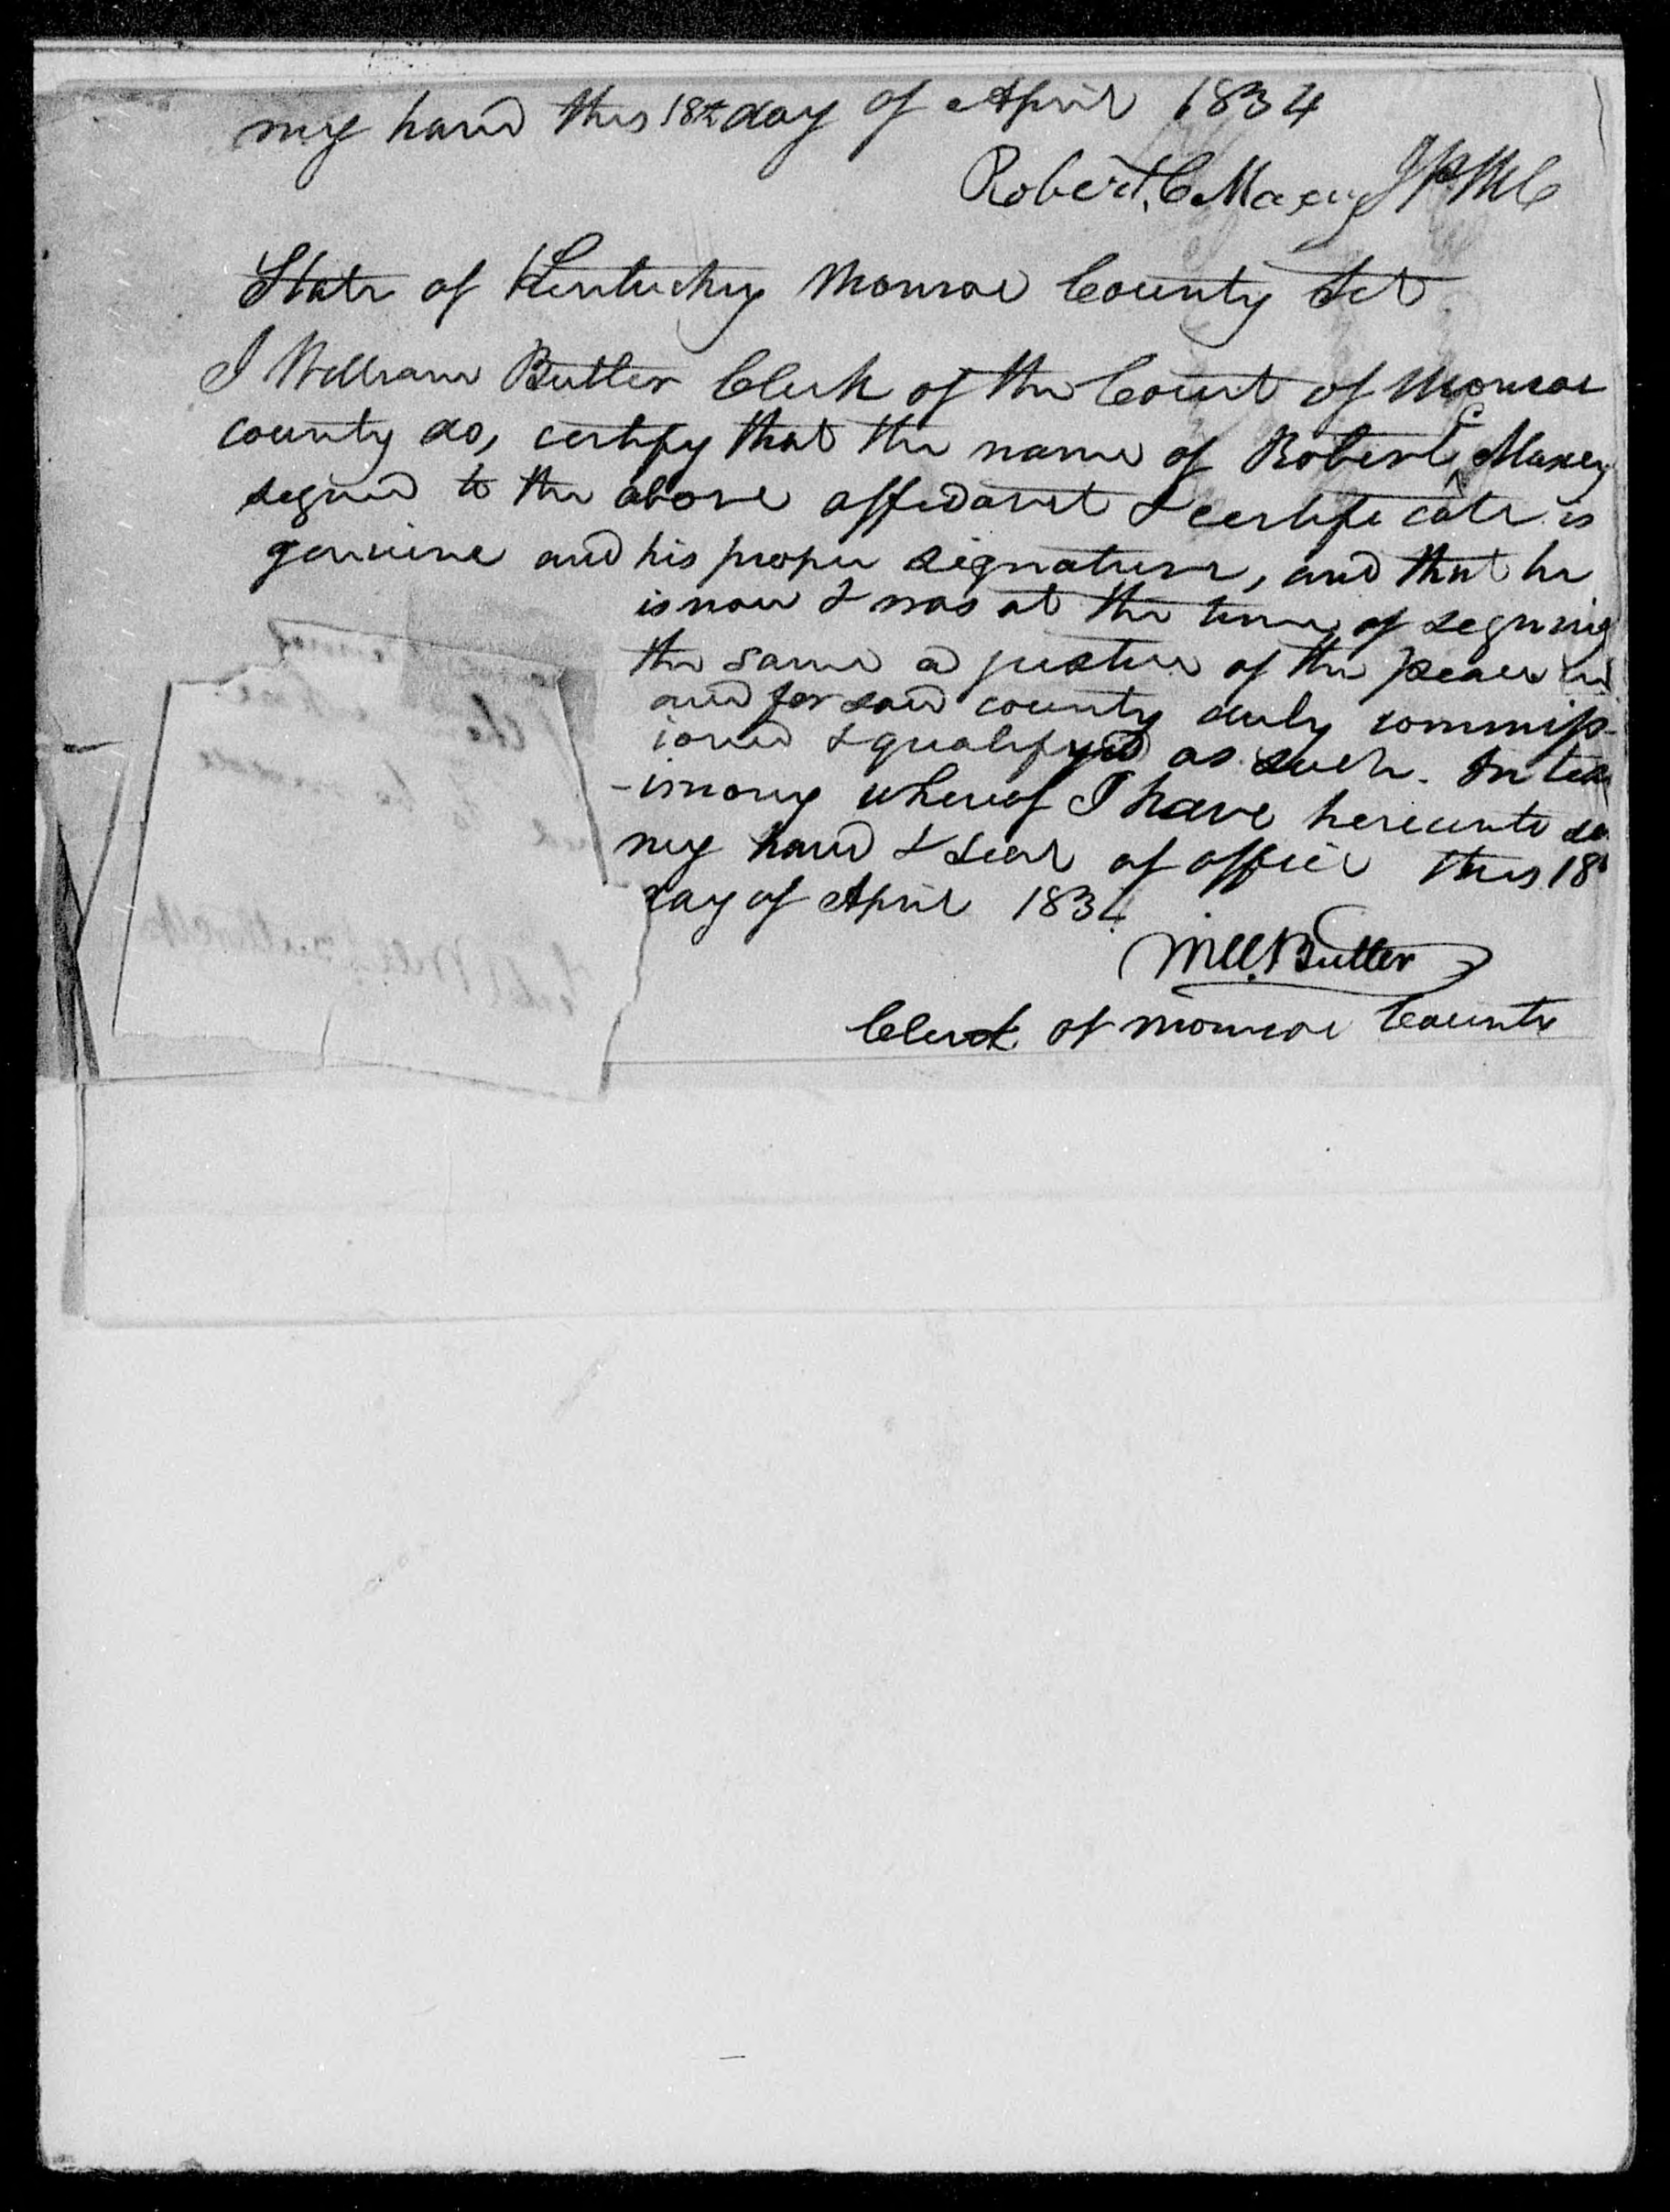my hand this 18th day of April 1834
Robert C. Maxey JPMC

State of Kentucky Monroe County Sct.
I William Butler clerk of the Court of Monroe County do, certify that the name of Robert C. Maxey signed to the above affidavit certificate is genuine and his proper signature, and that he is now & was at the time of signing the same a justice of the peace in and for said county duly commissioned & qualified as such. In the Testimony whereof I have hereunto set my hand & seal of office this 18th day of April 1834
Will. Butler
Clerk of Monroe County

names: Will Butler, Robert C Maxey, William Butler, Robert C Maxey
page: 64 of 82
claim: widow's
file: W. 7,522, John Giles, N.C.